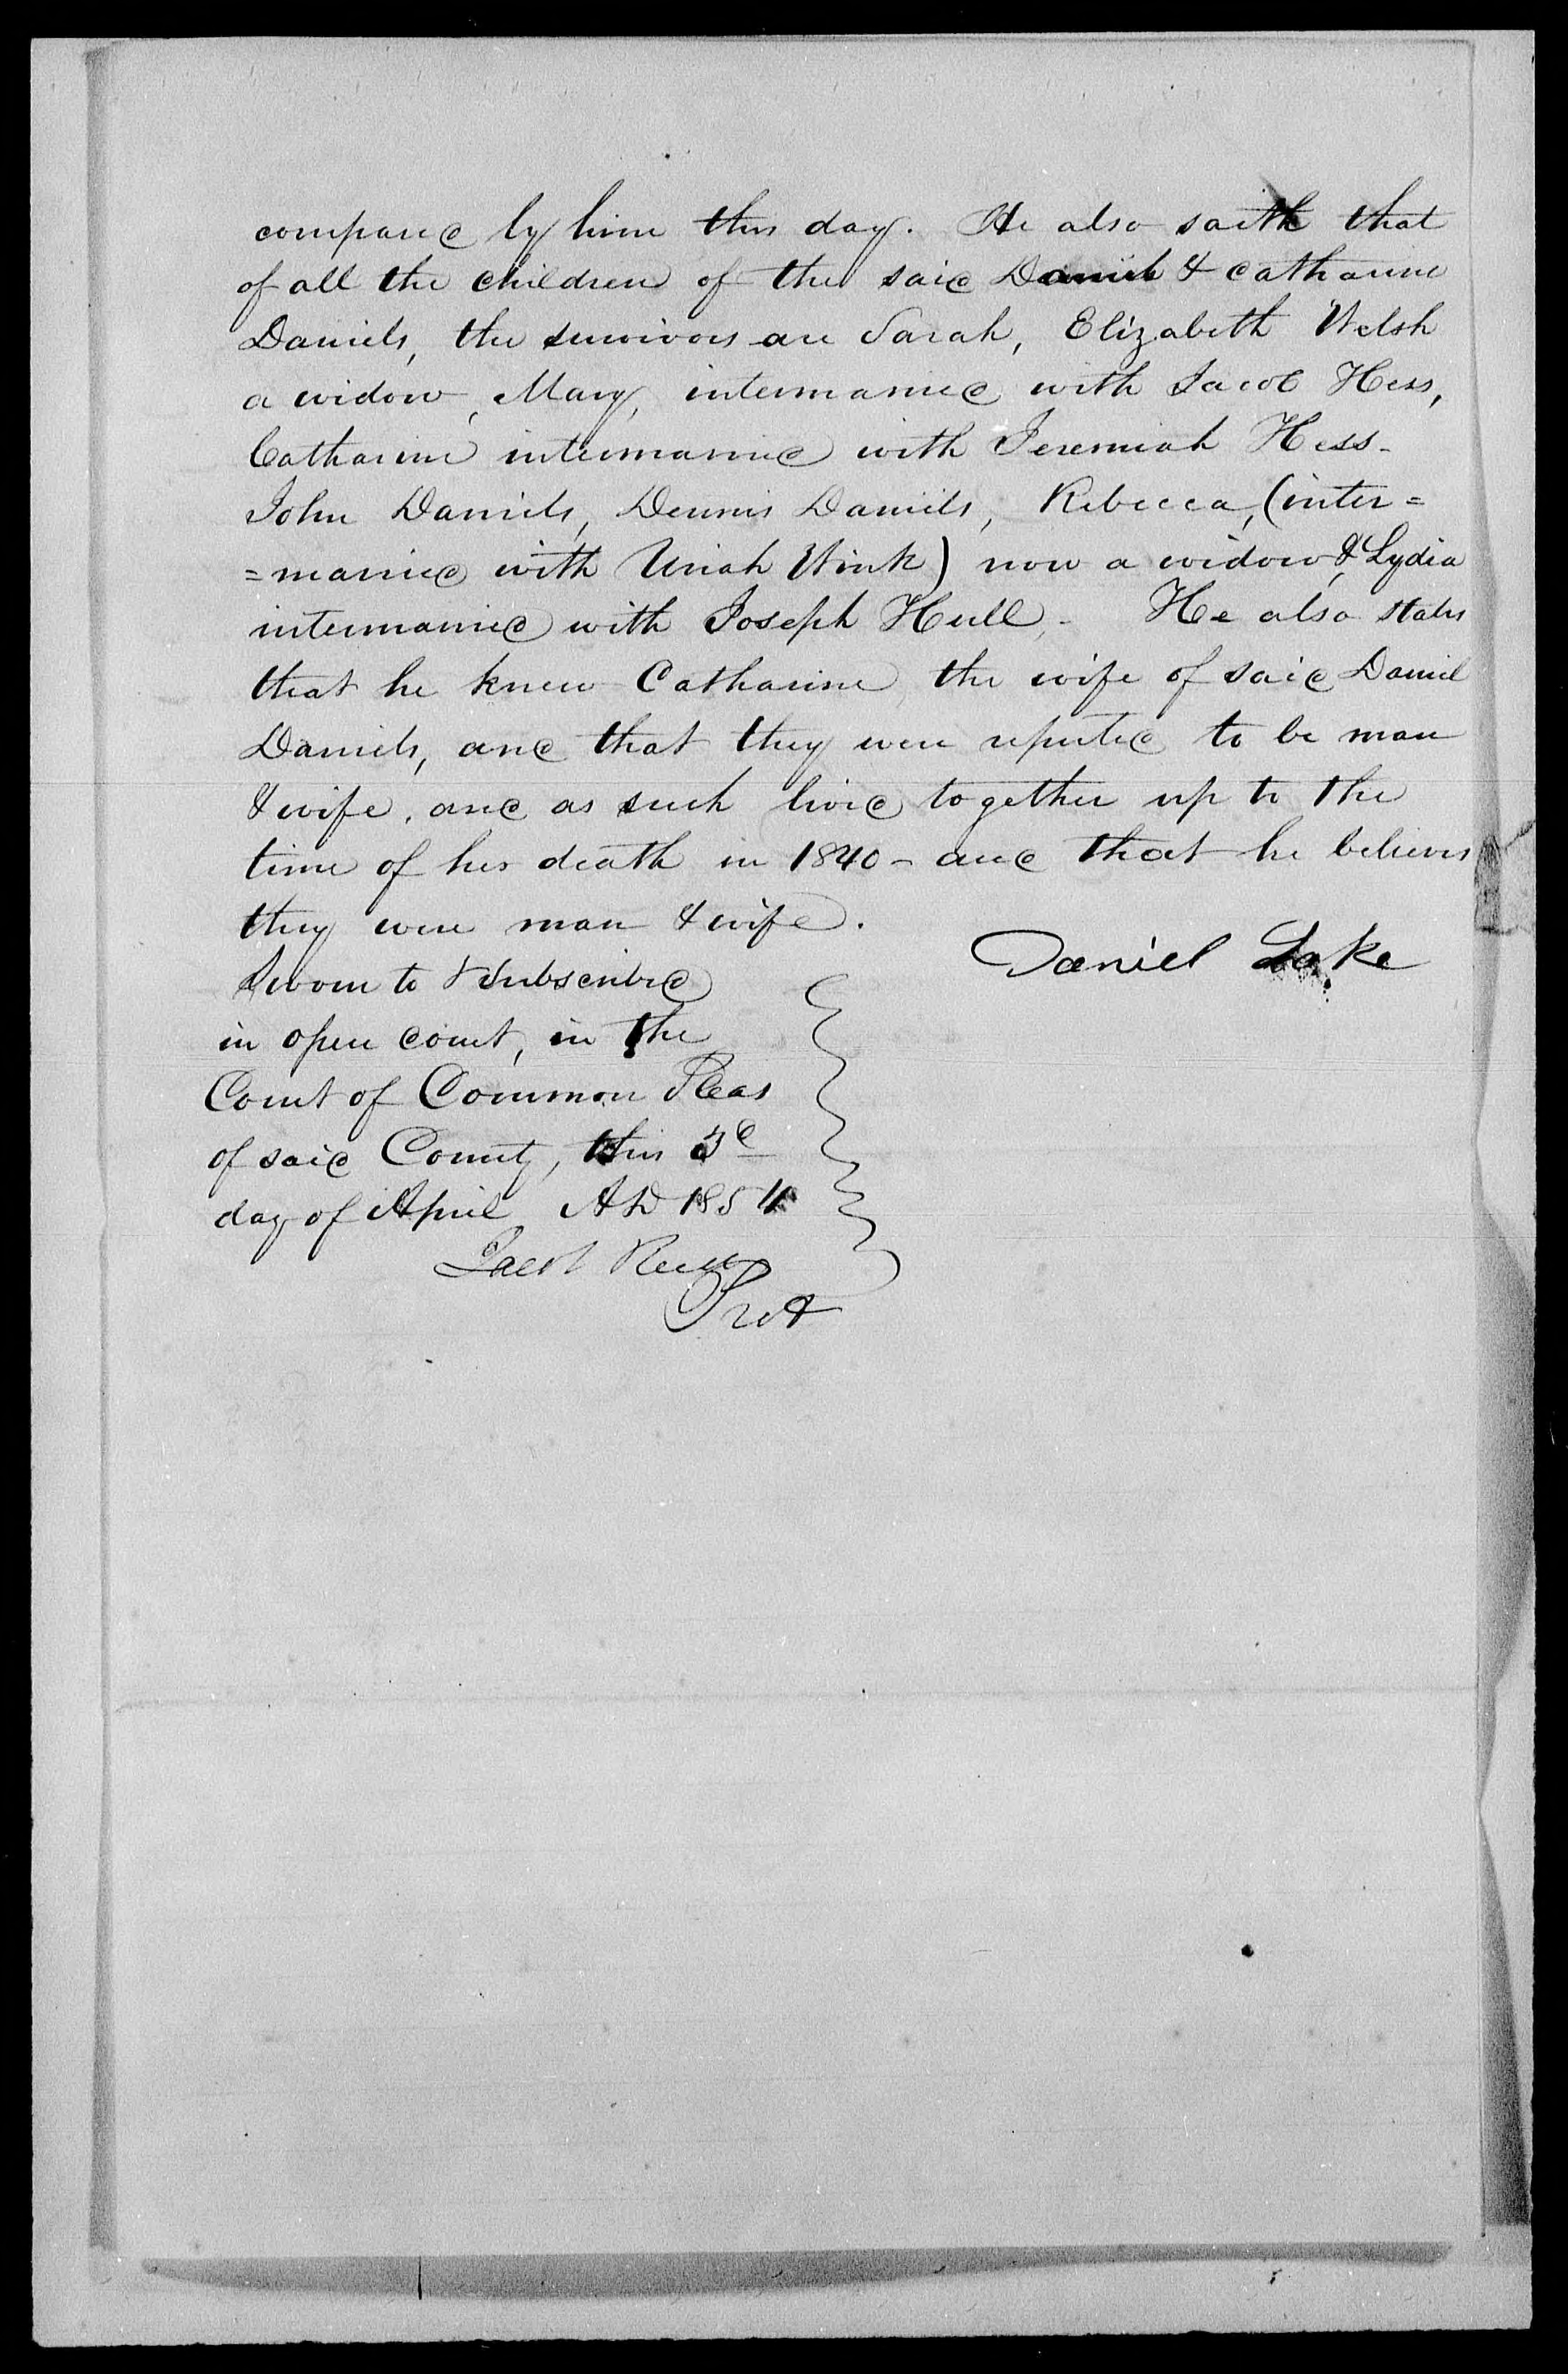compared by him this day. He also saith that
of all the children of the said Daniel & Catherine
Daniels, the survivors are Sarah, Elizabeth Welsh
a widow, Mary intermarried with Jacob Hess,
Catharine intermarried with Jeremiah Hess,
John Daniels, Dennis Daniels, Rebecca, (intermarried
with Uniah Wink) now a widow & Lydia
intermarried with Joseph Hull. He also states
that he knew Catharine, the wife of said Daniel
Daniels, and that they were reputed to be man
& wife and as such lived together up to the
time of her death in 1840. and that he believes
they were man & wife
Daniel Lake
Sworn to & Subscribed
in open Court, in the
Court of Common Pleas
of said County, this 3d
day of April AD 1854
Jacob Reed
Prot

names: Catharine, Lydia, Sarah Welsh, Dennis Daniels, Catharine Daniels, Elizabeth Welsh, Jacob Hess, Mary, Joseph Hull, Jacob Reed, Daniel Lake, Daniel, Jeremiah Hess, Catharine, Uriah Wink, John Daniels, Rebecca, Daniel Daniels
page: 9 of 35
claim: rejected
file: R. 2,650, Daniel Daniels, Penn.